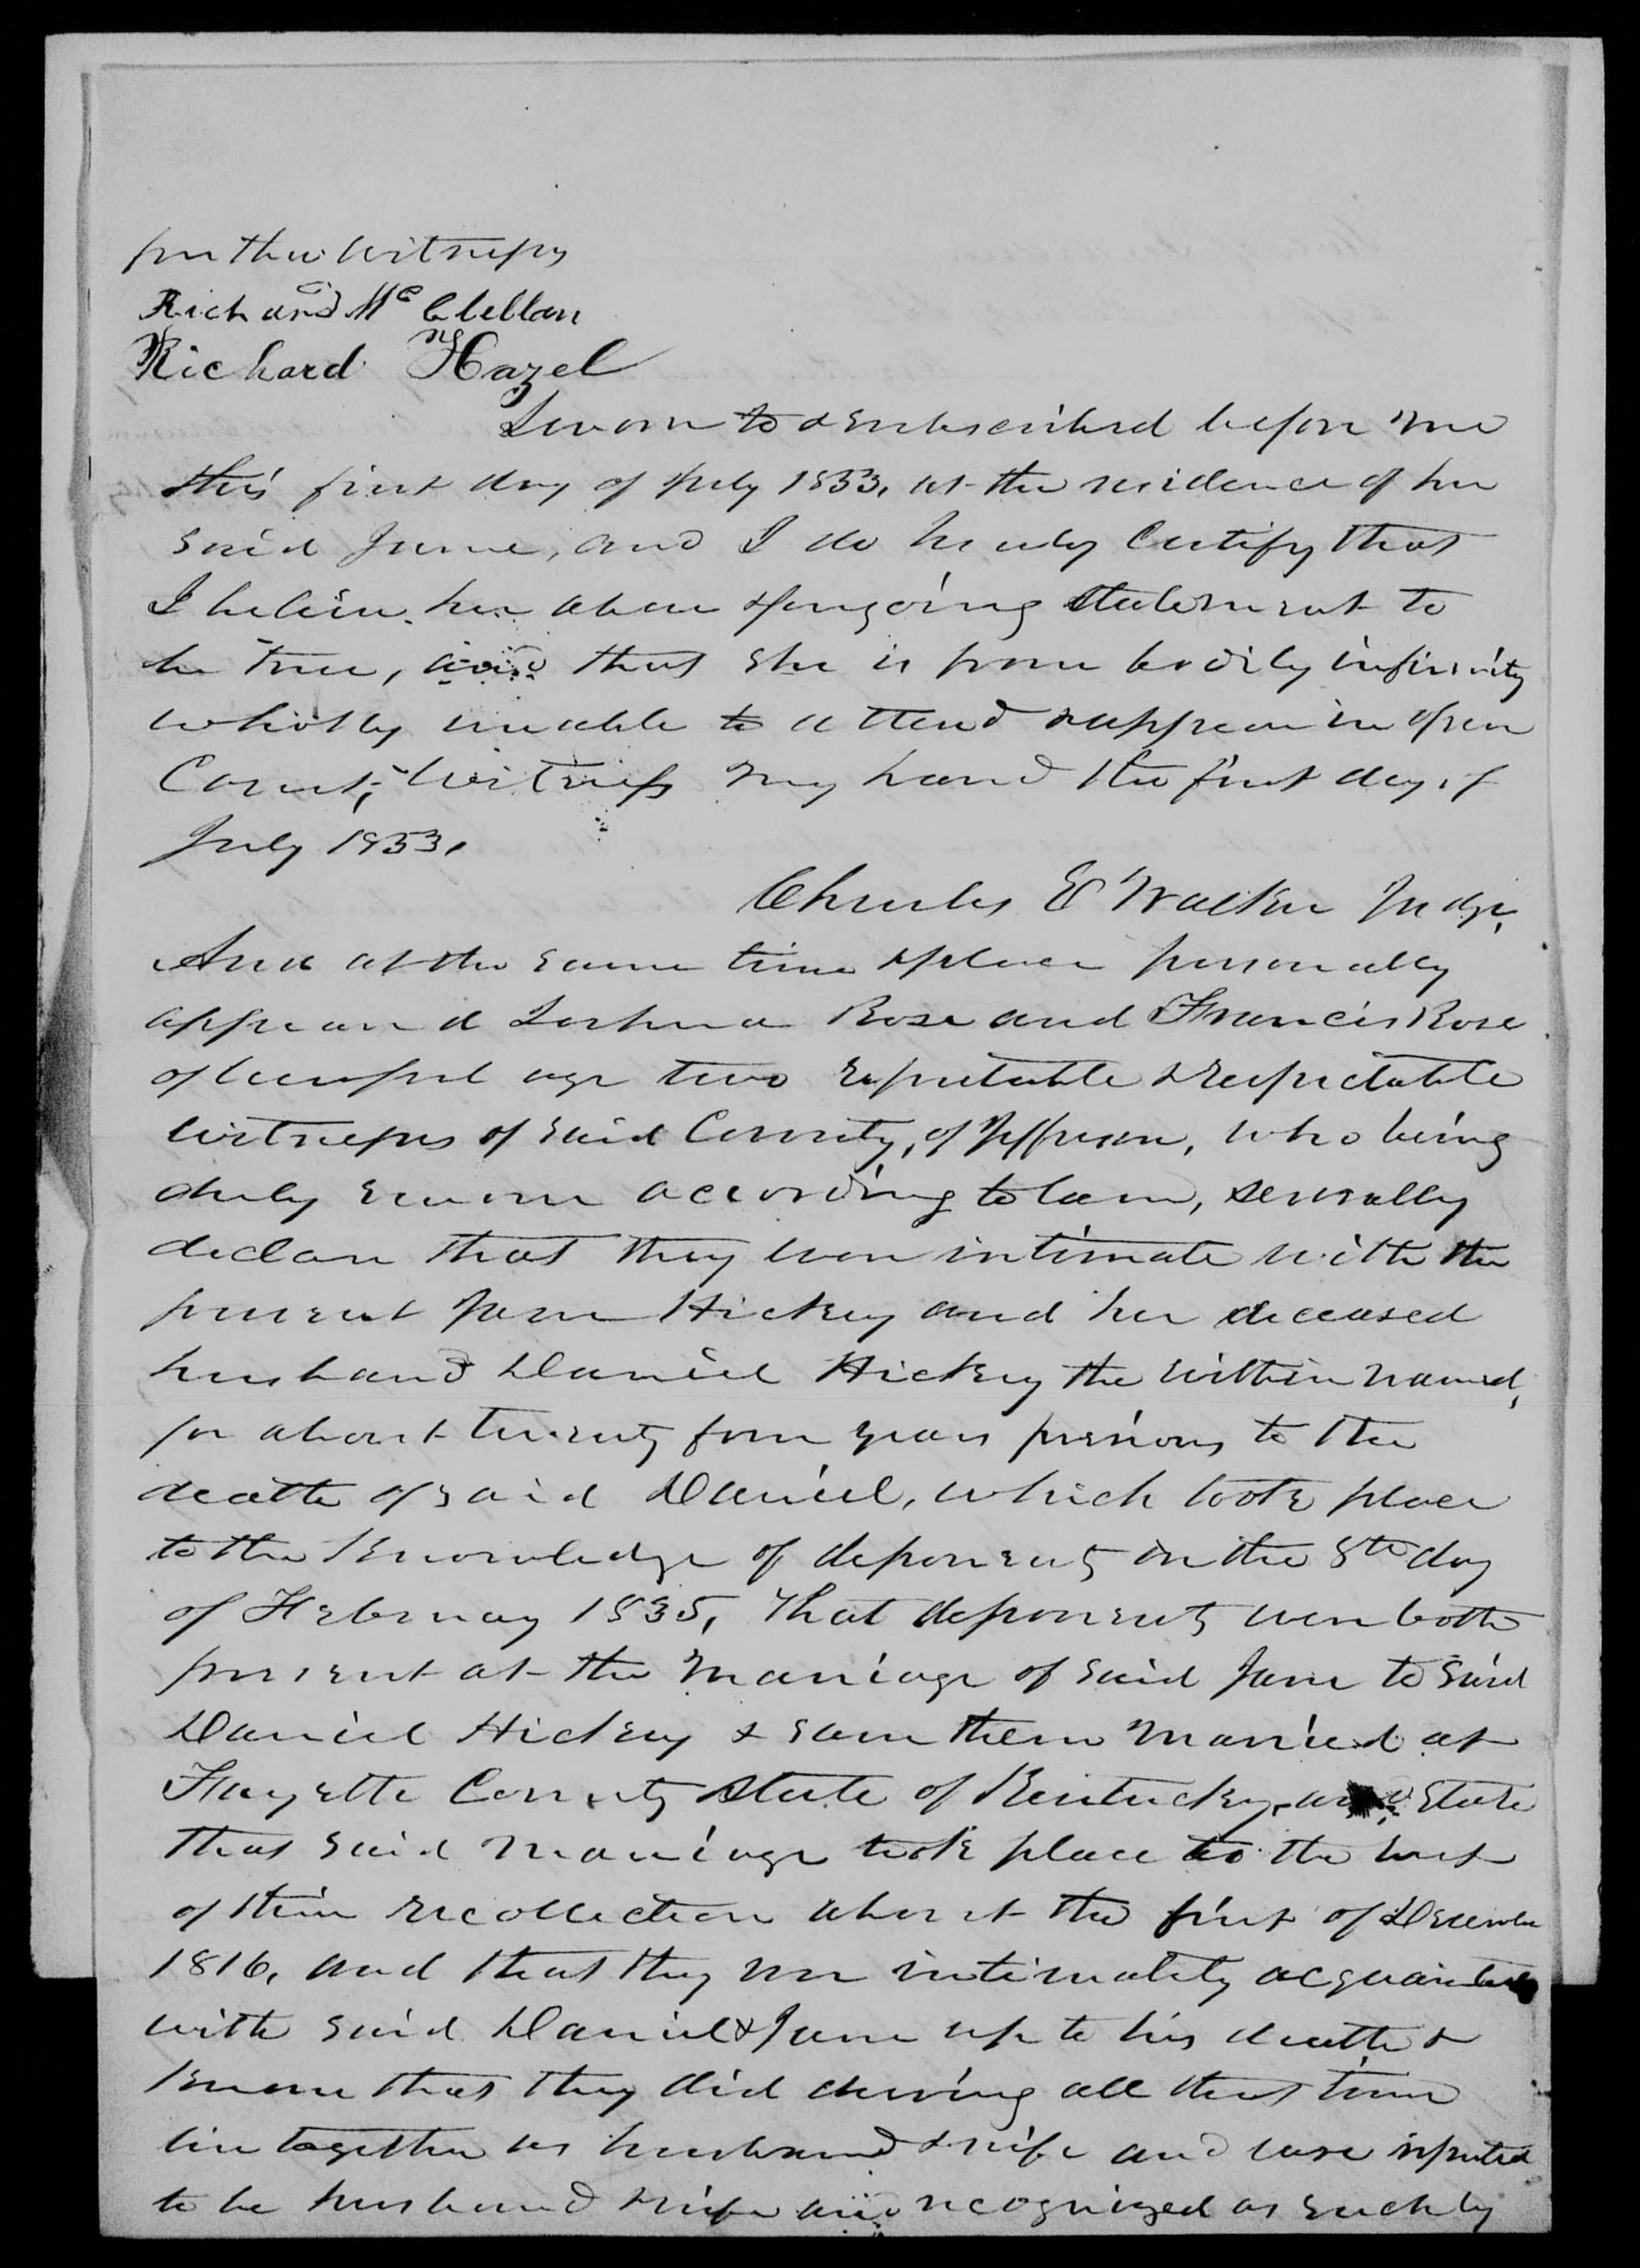further Witnesses
Richard McClellan
Richard Hazel
Sworn to & subscribed before me this first day of July 1853, at the residence of her said Jane, and I do hereby certify that I believe her above & foregoing statement to be true, and that she is from bodily infirmity wholly unable to attend & appear in open Court, witness my hand the first day of July 1853,
Charles E Walker Judge
And at the same time & place personally
appeared Joshua Rose and Francis Rose
of lawful age two reputable & respectable
witnesses of said County of Jefferson, who being duly sworn according to law, severally
declare that they were intimate with the
present Jane Hickey and her deceased
husband Daniel Hickey the within named,
for about twenty four years previous to the
death of said Daniel, which took place to the knowledge of deponents on the 8th day
of February 1835, that deponents were both
present at the marriage of said Jane to said
Daniel Hickey & saw them married at
Fayette County State of Kentucky and state
that said marriage took place to the best
of their recollection about the first of December 1816, and that they were intimately acquainted with said Daniel & Jane up to his death & know that they did during all that time live together as husband & wife and were reputed to be husband & wife and recognized as such by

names: Daniel Hickey, Daniel, Charles E Walker, Jane, Jane, Daniel Hickey, Richard Mc Clellan, Joshua Rose, Richard Hazel, Francis Rose, Daniel, Jane Hickey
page: 38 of 84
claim: widow's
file: W. 7744, Daniel Hickey, Penn.